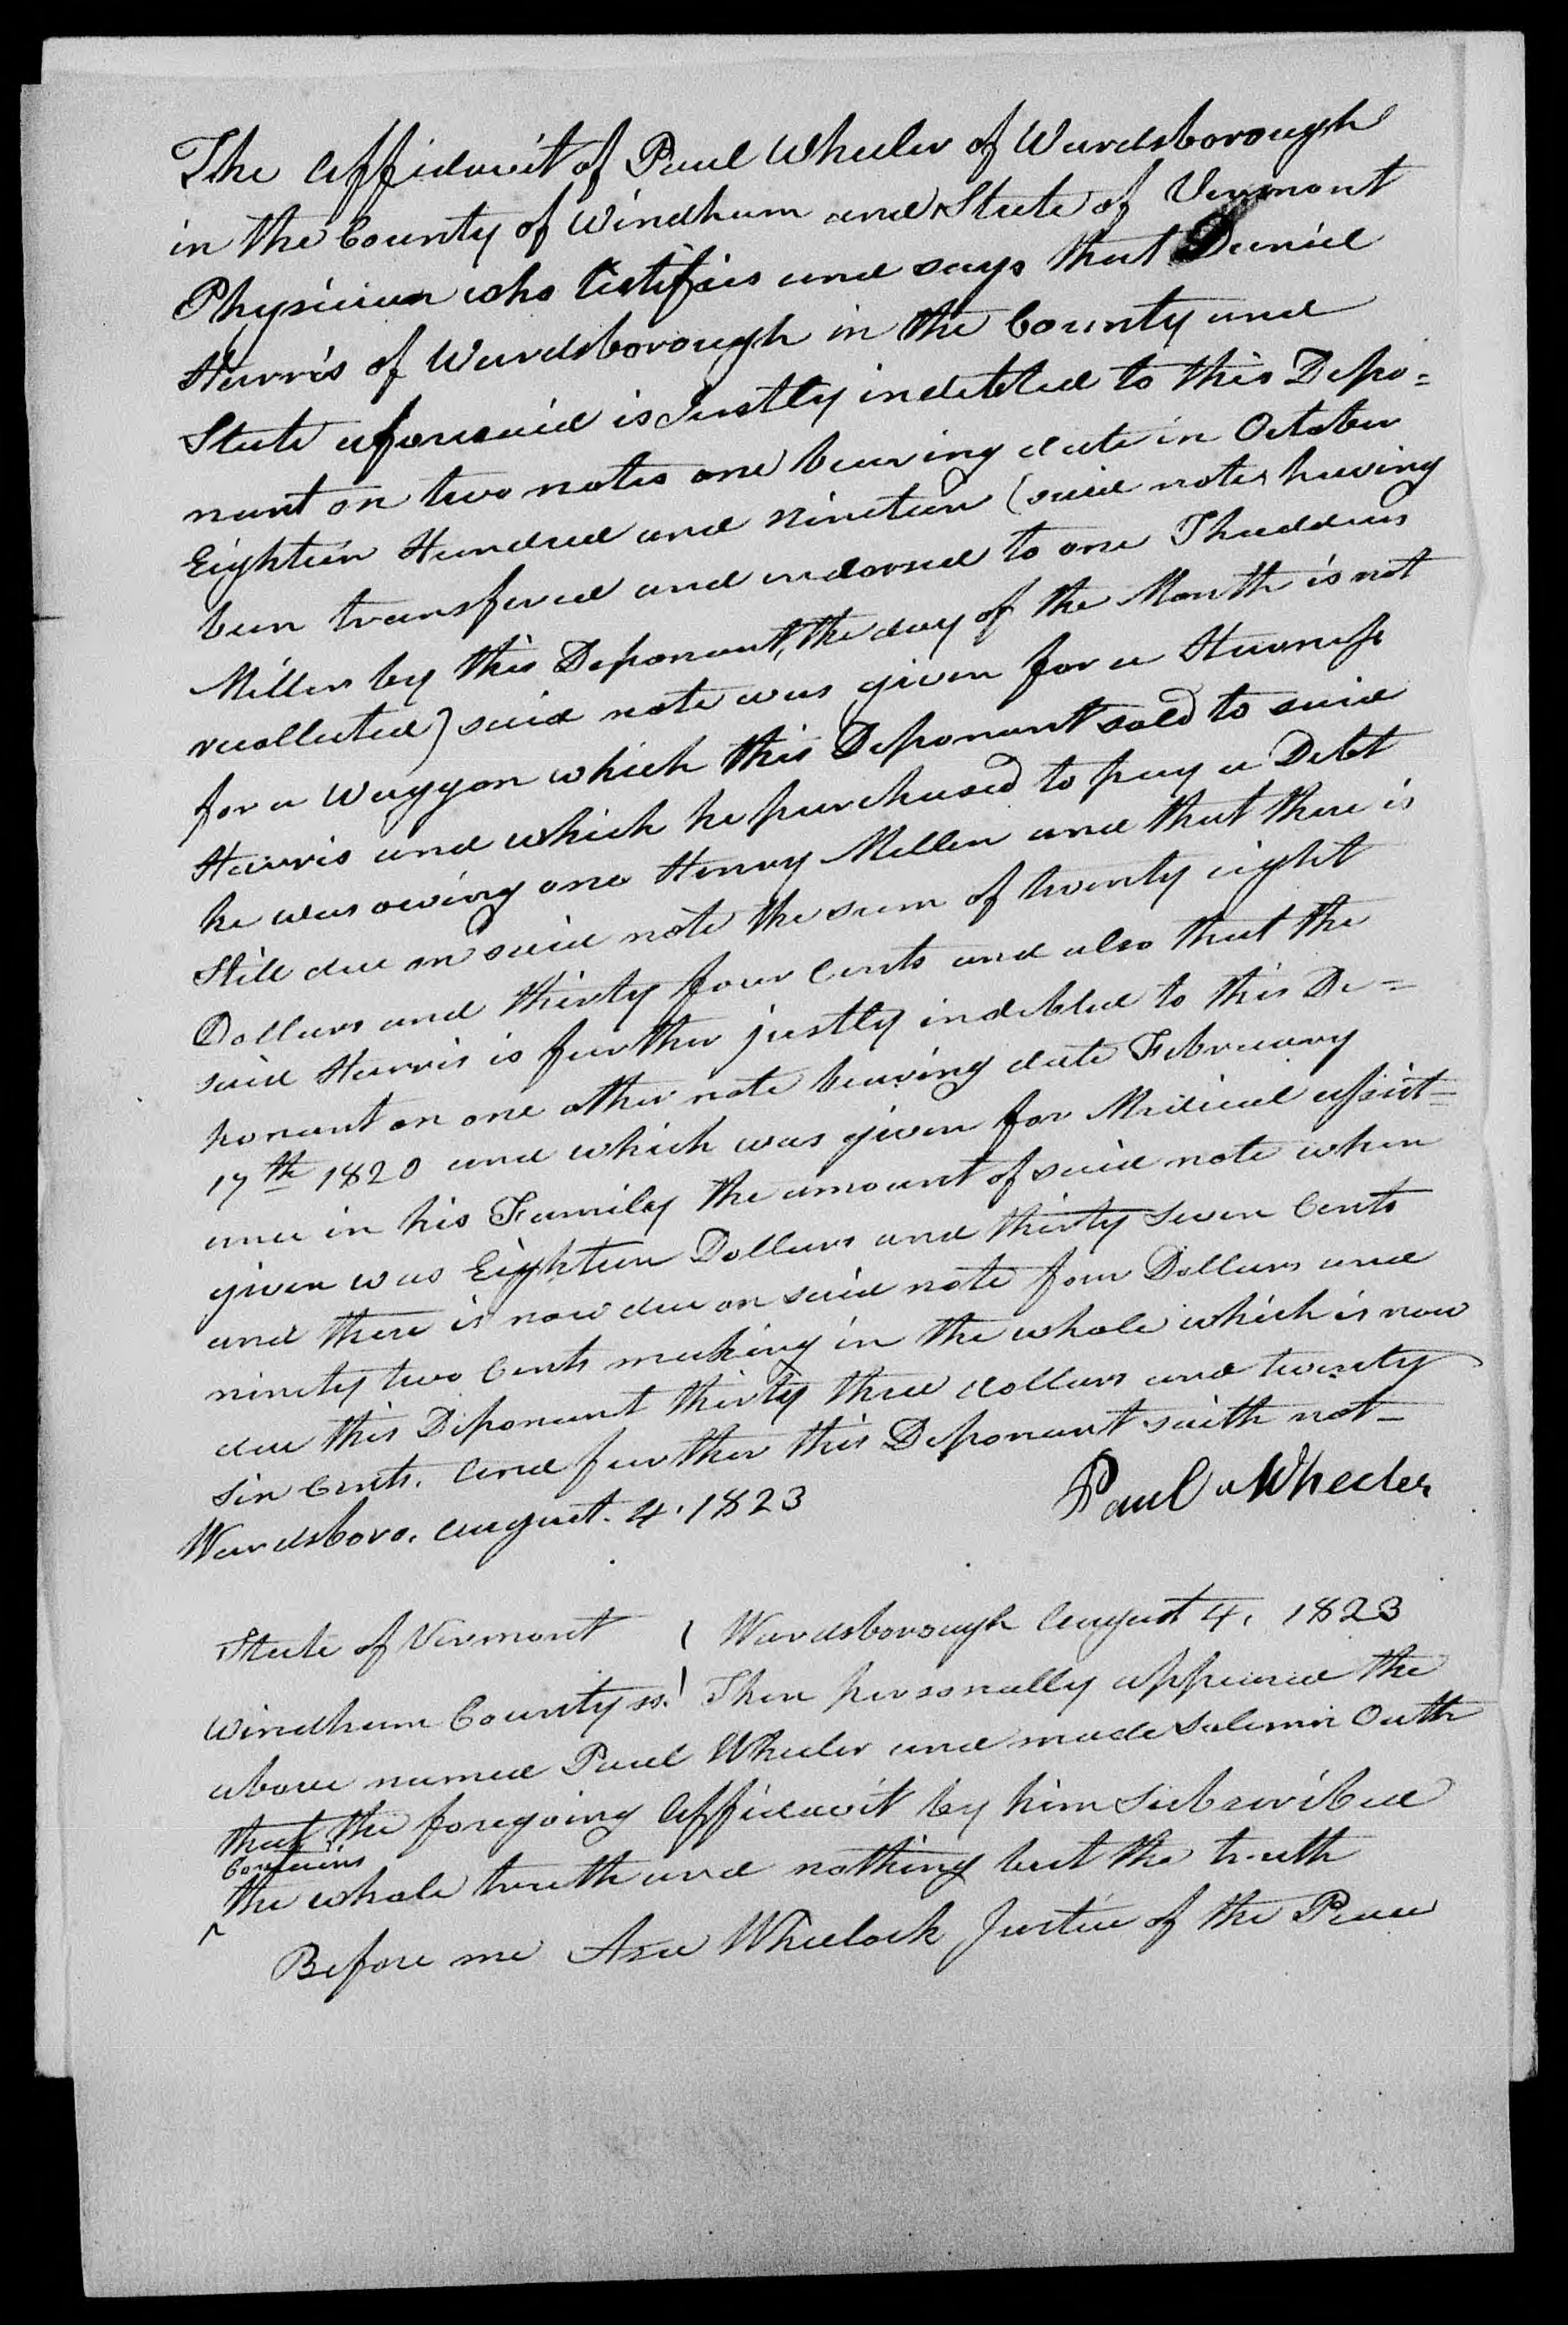The affidavit of Paul Wheeler of Westborough in the County of Windham and state of Vermont. Physician who testifies and says that Daniel Harris of Westborough in the County and State aforesaid is justly indebted to this Deponent on two notes one bearing data in October Eighteen Hundred and nineteen (said notes having been transferred and endorsed to one Thaddeus Miller by this Deponent the day of the Month is not recollected" said note was given for a (?) for a waggon which this Deponent sold to said Harris and which he purchased to pay a Debt he was owing one Henry Mellen and that there is still due on said not the sum of twenty eight dollars and thirty four cents and also that said Harris is further justly indebted to this Deponent on one other note having date February 17th 1820 and which was given for Medical (?)in his Family the amount of said not when given was Eighteen Dollars and thirty seven cents and there is now due on said note for four Dollars and ninety two cents making in the whole which is now due this Deponent thirty three dollars and twenty six cents and further this Deponent saith not. 
Wardsboro, August 4 1823
Signature of Paul Wheeler

State of Vermont
Windham County ss.
Wardsborough  August 4, 1823

Then personally appeared the above named Paul Wheeler and made solemn Oath that the foregoing affidavit by him subscribed contains the whole truth and nothing but the truth. 
Before me Asa Wheelock  Justice of the Peace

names: Asa Wheelock, Daniel Harris, Harris, Thaddeus Miller, Paul Wheeler, Harris, Henny Mellen, Paul Wheeler, Paul Wheeler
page: 65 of 68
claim: survivor's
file: S. 29,877, Daniel Harris, Mass.